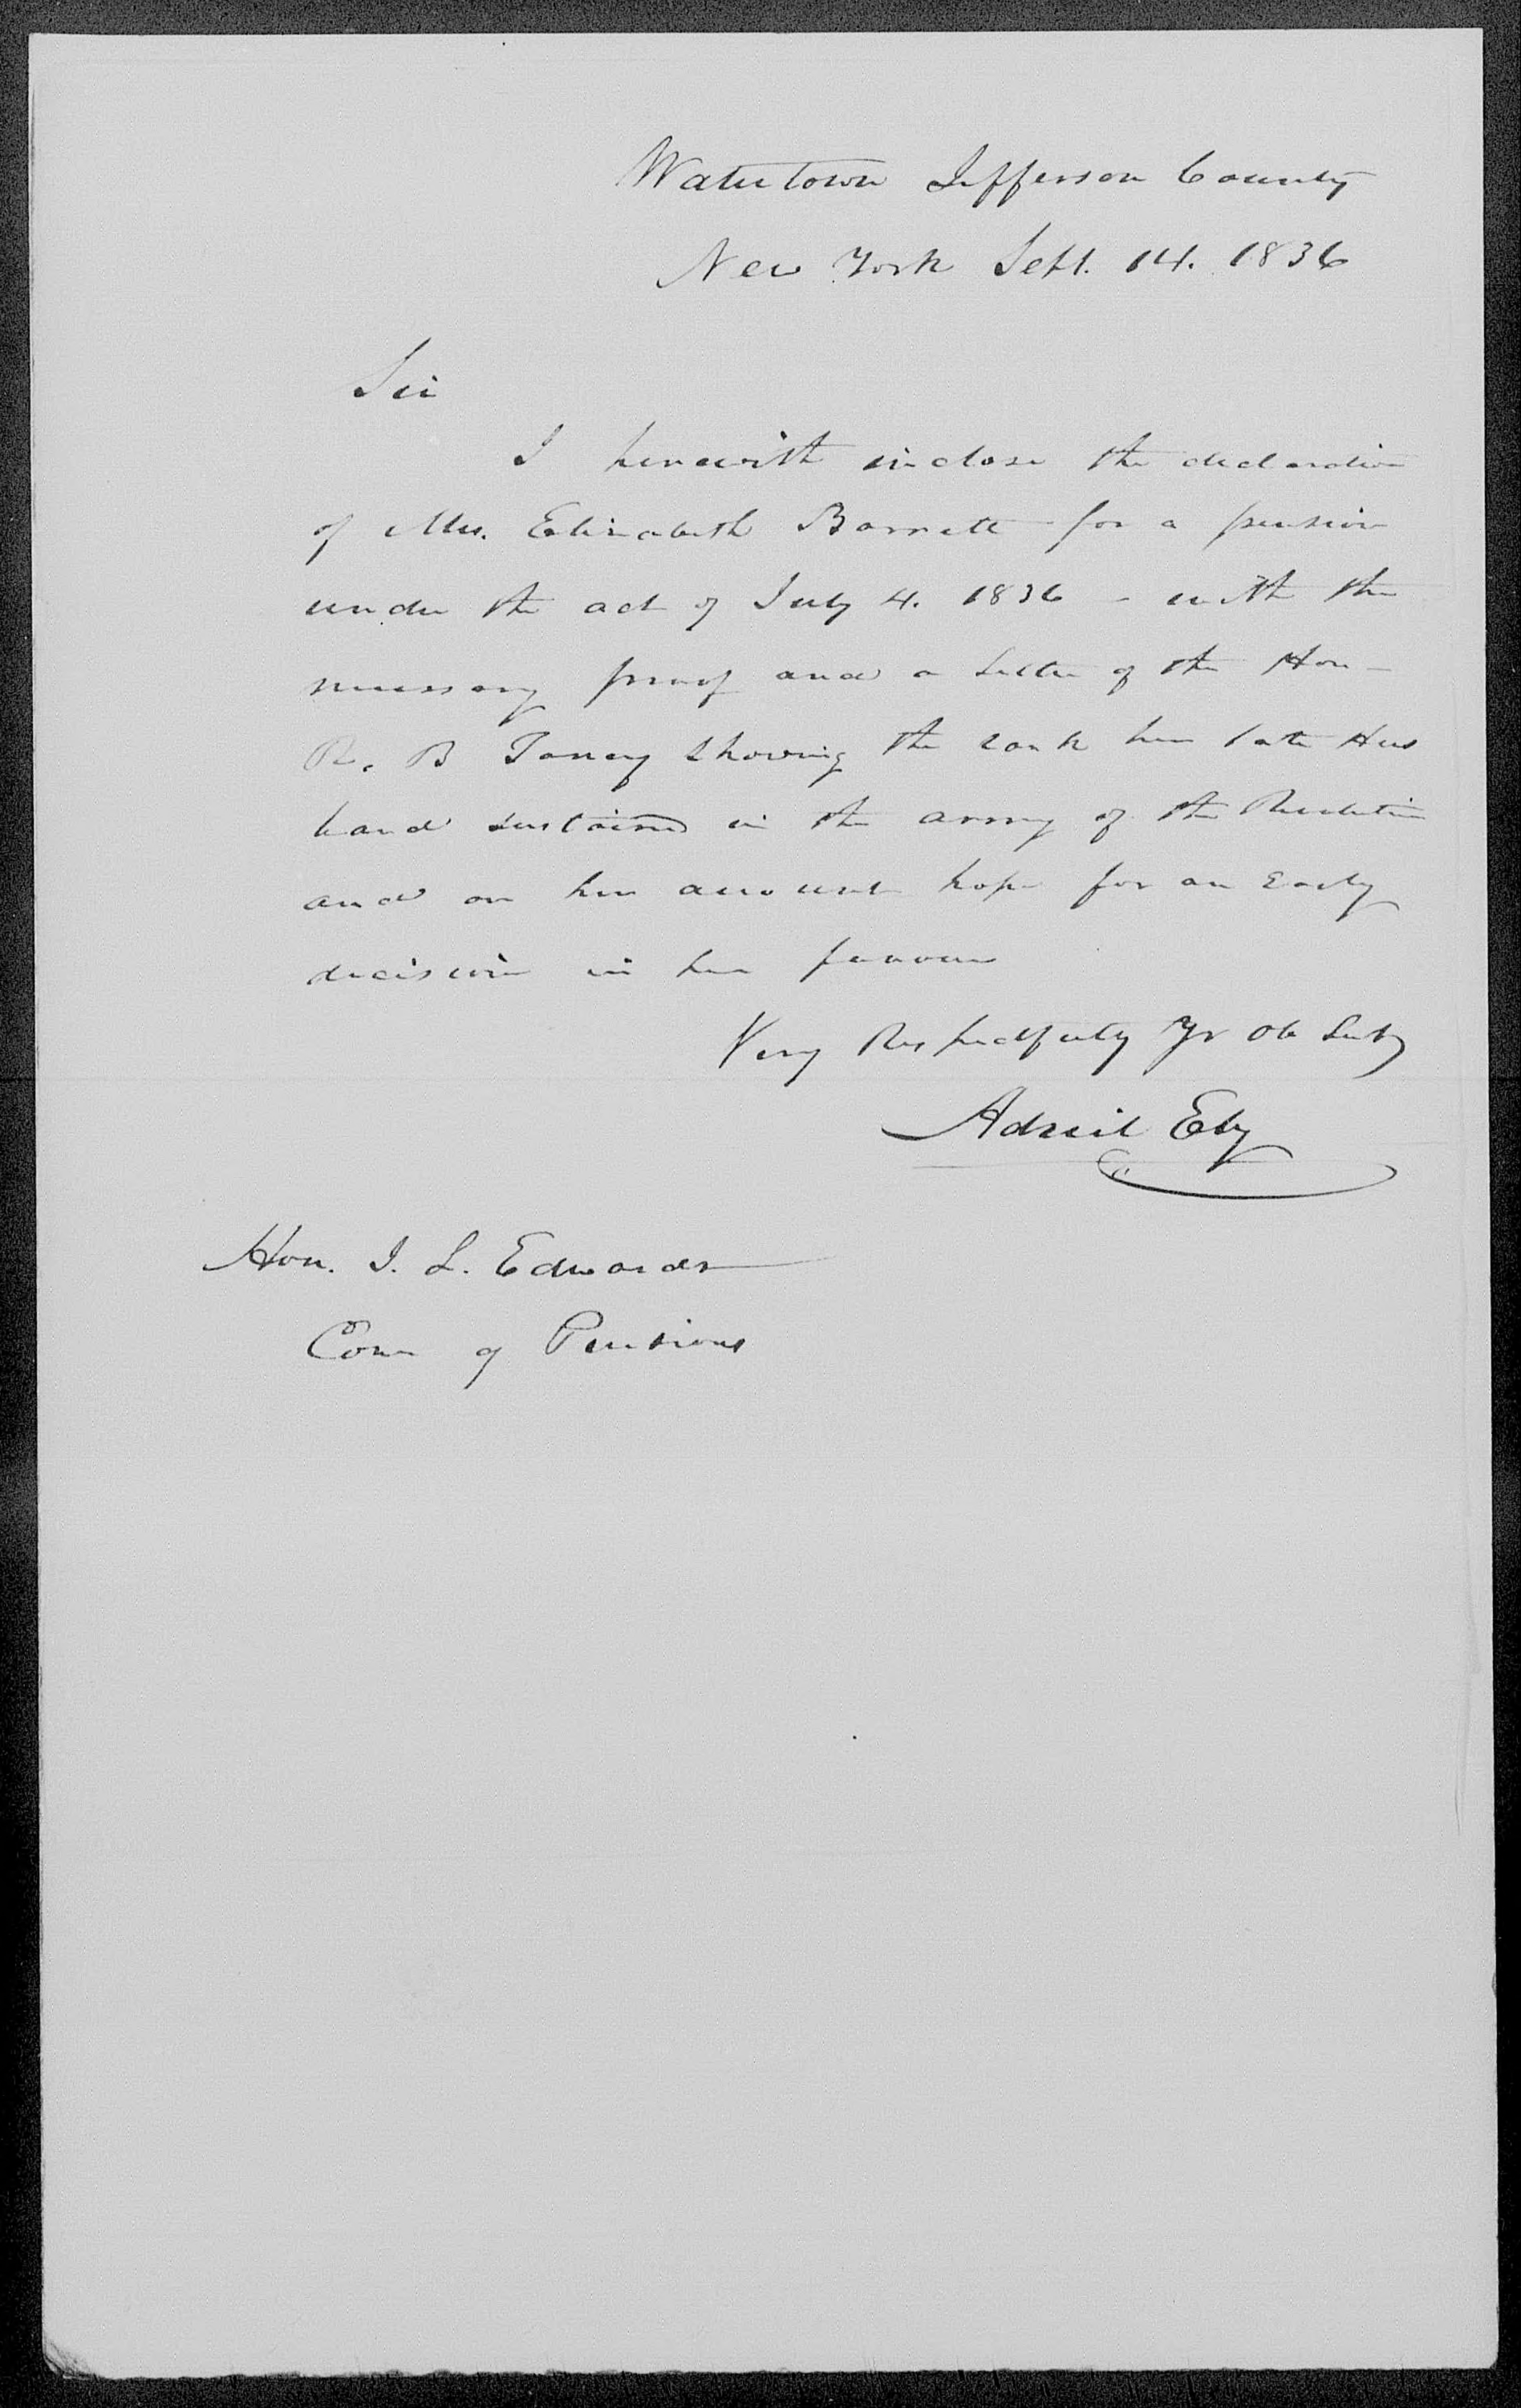Watertown Jefferson County 
New York Sept. 14 1836

Sir
I herewith enclose the declaration of Mrs. Elizabeth Barrett for a pension under the act of July 4 1836 with the necessary proof and a letter of the Hon. R.B. Taney showing the rank her late husband sustained in the army of the Revolution and on her account hope for an early decision in her pension. Very Respectfully yr ob sev
Adriel Ely

Hon. J.L. Edwards 
Com of Pensions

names: J L Edwards, Elisabeth Barrett, R B Taney, Adriel Eby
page: 60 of 83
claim: widow's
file: W. 10,384, Oliver Barrett, Continental (Vt.) N.Y.